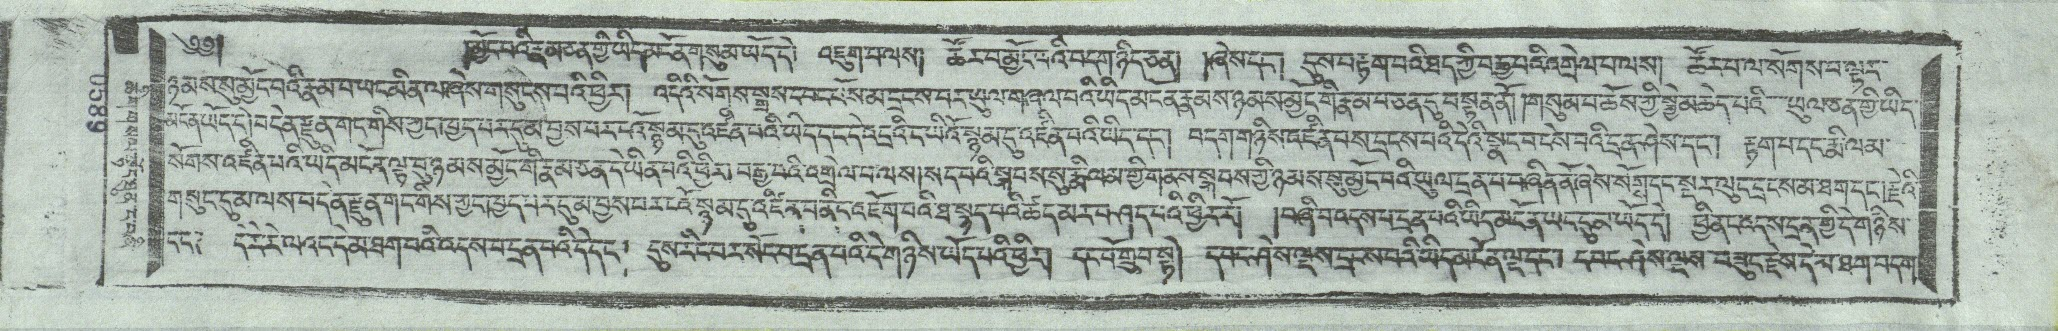༄༅། །མྱོང་བའི་རྣམ་ཅན་གྱི་ཡིད་མངོན་གསུམ་ཡོད་དེ། འཇུག་པ་ལས། ཚོར་བ་མྱོང་བའི་བདག་ཉིད་ཅན། །ཞེས་དང་། དུས་བརྟག་པའི་ཐད་ཀྱི་བརྒྱ་པའི་འགྲེལ་པ་ལས། ཚོར་པ་ལ་སོགས་པ་ལྟར་
ཉམས་སུ་མྱོང་བའི་རྣམ་པ་ཡང་མིན་ལ་ཞེས་གསུངས་པའི་ཕྱིར། འདིའི་སོགས་སྒྲས་དབང་པོས་མ་དྲངས་བར་ཡུལ་གཞལ་བའི་ཡིད་མངོན་རྣམས་ཉམས་མྱོང་གི་རྣམ་པ་ཅན་དུ་བསྟན་ནོ། །གསུམ་པ་ཆོས་ཀྱི་སྐྱེ་མཆེད་པའི་ཡུལ་ཅན་གྱི་ཡིད་
མངོན་ཡོད་དེ། བདེན་རྫུན་གང་གིས་ཀྱང་ཁྱད་པར་དུ་མ་བྱས་པར་ངའོ་སྙམ་དུ་འཛིན་པའི་ཡིད་དང་དེ་འདྲའི་ང་ཡིའོ་སྙམ་དུ་འཛིན་པའི་ཡིད་དང་། བདག་གཉིས་འཛིན་པས་དྲངས་པའི་དེའི་སྣང་བ་ངེས་པའི་དྲན་ཤེས་དང་། རྟག་པ་དང་རྨི་ལམ་
སོགས་འཛིན་པའི་ཡིད་མངོན་ལྟ་བུ་ཉམས་མྱོང་གི་རྣམ་ཅན་དེ་ཡིན་པའི་ཕྱིར། བརྒྱ་བའི་འགྲེལ་བ་ལས། སད་པའི་སྐབས་སུ་རྨི་ལམ་གྱི་གནས་སྐབས་ཀྱི་ཉམས་སུ་མྱོང་བའི་ཡུལ་དྲན་པ་བཞིན་ནོ་ཞེས་སོགས་དང་སྔར་ལུང་དྲངས་མ་ཐག་དང་། རྗེའི་
གསུང་དུ་མ་ལས་བདེན་རྫུན་གང་གིས་ཀྱང་ཁྱད་པར་དུ་མ་བྱས་པར་ངའོ་སྙམ་དུ་འཛིན་པ་ནི་ང་འཇོག་པའི་ཐ་སྙད་པའི་ཚད་མར་བཤད་པའི་ཕྱིར་རོ། །བཞི་པ་འདས་པ་དྲན་པའི་ཡིད་མངོན་ཡང་དུ་མ་ཡོད་དེ། ཕྱི་ནང་འདས་དྲན་གྱི་དེ་གཉིས་
དང༑ དེ་རེ་རེ་ལའང་དེ་མ་ཐག་པའི་འདས་པ་དྲན་པའི་དེ་དང་། དུས་རིང་བར་སོང་བ་དྲན་པའི་དེ་གཉིས་ཡོད་པའི་ཕྱིར། དང་པོ་གྲུབ་སྟེ། དབང་ཤེས་ལྔས་དྲངས་པའི་ཡིད་མངོན་ལྔ་དང་། དབང་ཤེས་ལྔས་བཟུང་རྗེས་དེ་མ་ཐག་བདག་